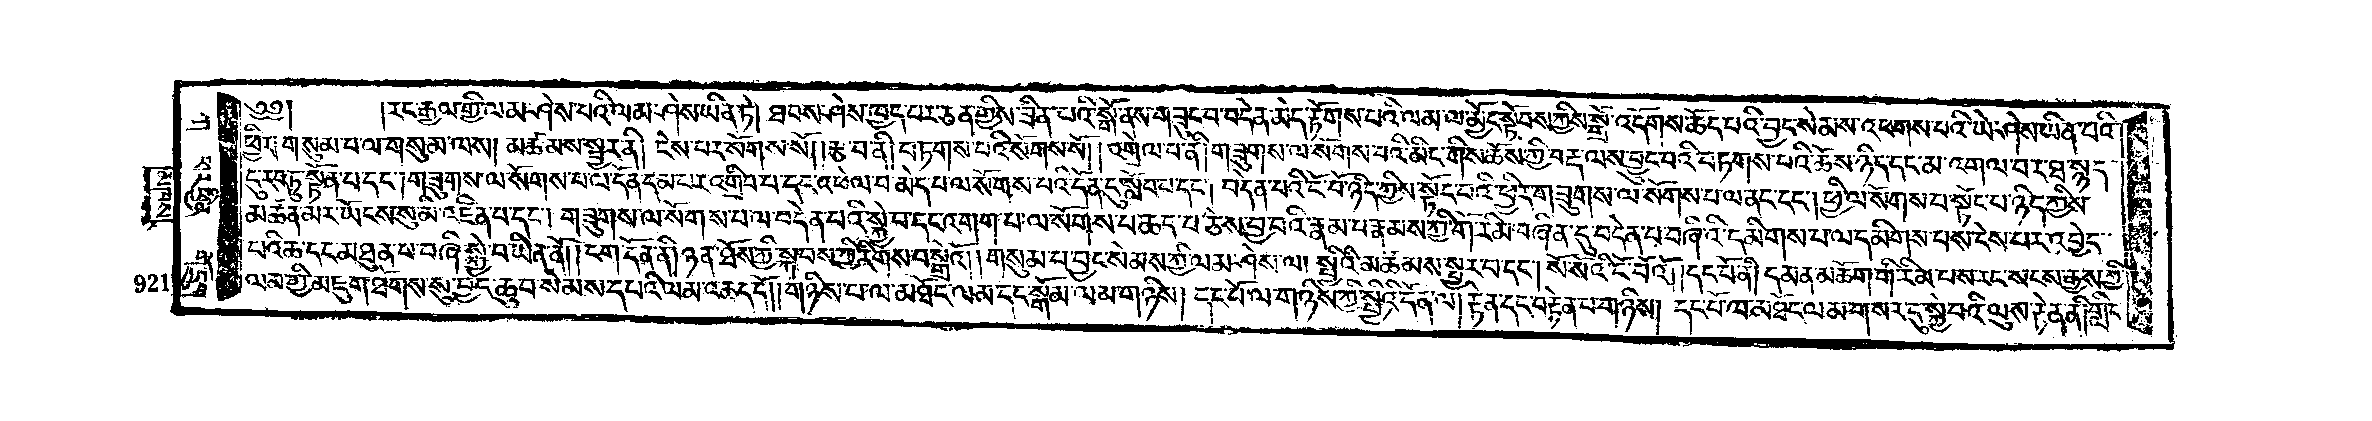༄༅། །རང་རྒྱལ་གྱི་ལམ་ཤེས་པའི་ལམ་ཤེས་ཡིན་ཏེ། ཐབས་ཤེས་ཁྱད་པར་ཅན་གྱིས་ཟིན་པའི་སྒོ་ནས་གཟུང་བ་བདེན་མེད་རྟོགས་པའི་ལམ་ལ་མྱོང་སྟོབས་ཀྱིས་སྒྲོ་འདོགས་ཆོད་པའི་བྱང་སེམས་འཕགས་པའི་ཡེ་ཤེས་ཡིན་པའི་
ཕྱིར། གསུམ་པ་ལ་གསུམ་ལས། མཚམས་སྦྱར་ནི། ངེས་པར་སོགས་སོ། །རྩ་བ་ནི། བཏགས་པའི་སོགས་སོ། །འགྲེལ་བ་ནི། གཟུགས་ལ་སོགས་པའི་མིང་གིས་ཆོས་ཀྱི་བརྡ་ལས་བྱུང་བའི་བཏགས་པའི་ཆོས་ཉིད་དང་མ་འགལ་བར་ཐ་སྙད་
དུ་རབ་ཏུ་སྟོན་པ་དང་། གཟུགས་ལ་སོགས་པ་ལ་དོན་དམ་པར་འགྲིབ་པ་དང་འཕེལ་བ་མེད་པ་ལ་སོགས་པའི་དོན་དུ་སློབ་པ་དང་། བདེན་པའི་ངོ་བོ་ཉིད་ཀྱིས་སྟོང་པའི་ཕྱིར་གཟུགས་ལ་སོགས་པ་ལ་ནང་དང་། ཕྱི་ལ་སོགས་པ་སྟོང་པ་ཉིད་ཀྱིས་
མཚན་མར་ཡོངས་སུ་མི་འཛིན་པ་དང་། གཟུགས་ལ་སོགས་པ་ལ་བདེན་པའི་སྐྱེ་བ་དང་འགག་པ་ལ་སོགས་པ་ཆད་པ་ཅེས་བྱ་བའི་རྣམ་པ་རྣམས་ཀྱི་གོ་རིམ་བཞིན་དུ་བདེན་པ་བཞིའི་དམིགས་པ་ལ་དམིགས་པས་ངེས་པར་འབྱེད་
པའི་ཆ་དང་མཐུན་པ་བཞི་སྐྱེ་བ་ཡིན་ནོ། །ངག་དོན་ནི། ཉན་ཐོས་ཀྱི་སྐབས་ཀྱི་རིགས་བསྒྲེའོ། །གསུམ་པ་བྱང་སེམས་ཀྱི་ལམ་ཤེས་ལ། སྤྱིའི་མཚམས་སྦྱར་བ་དང་། སོ་སོའི་ངོ་བོའོ། །དང་པོ་ནི། དམན་མཆོག་གི་རིམ་པས་རང་སངས་རྒྱས་ཀྱི་
ལམ་གྱི་མཇུག་ཐོགས་སུ་བྱང་ཆུབ་སེམས་དཔའི་ལམ་འཆད་དོ། །གཉིས་པ་ལ་མཐོང་ལམ་དང་སྒོམ་ལམ་གཉིས། དང་པོ་ལ་གཉིས་ཀྱི་སྤྱིའི་དོན་ལ། རྟེན་དང་བརྟེན་པ་གཉིས། དང་པོ་ལ་མཐོང་ལམ་གསར་དུ་སྐྱེ་བའི་ལུས་རྟེན་ནི། གླིང་